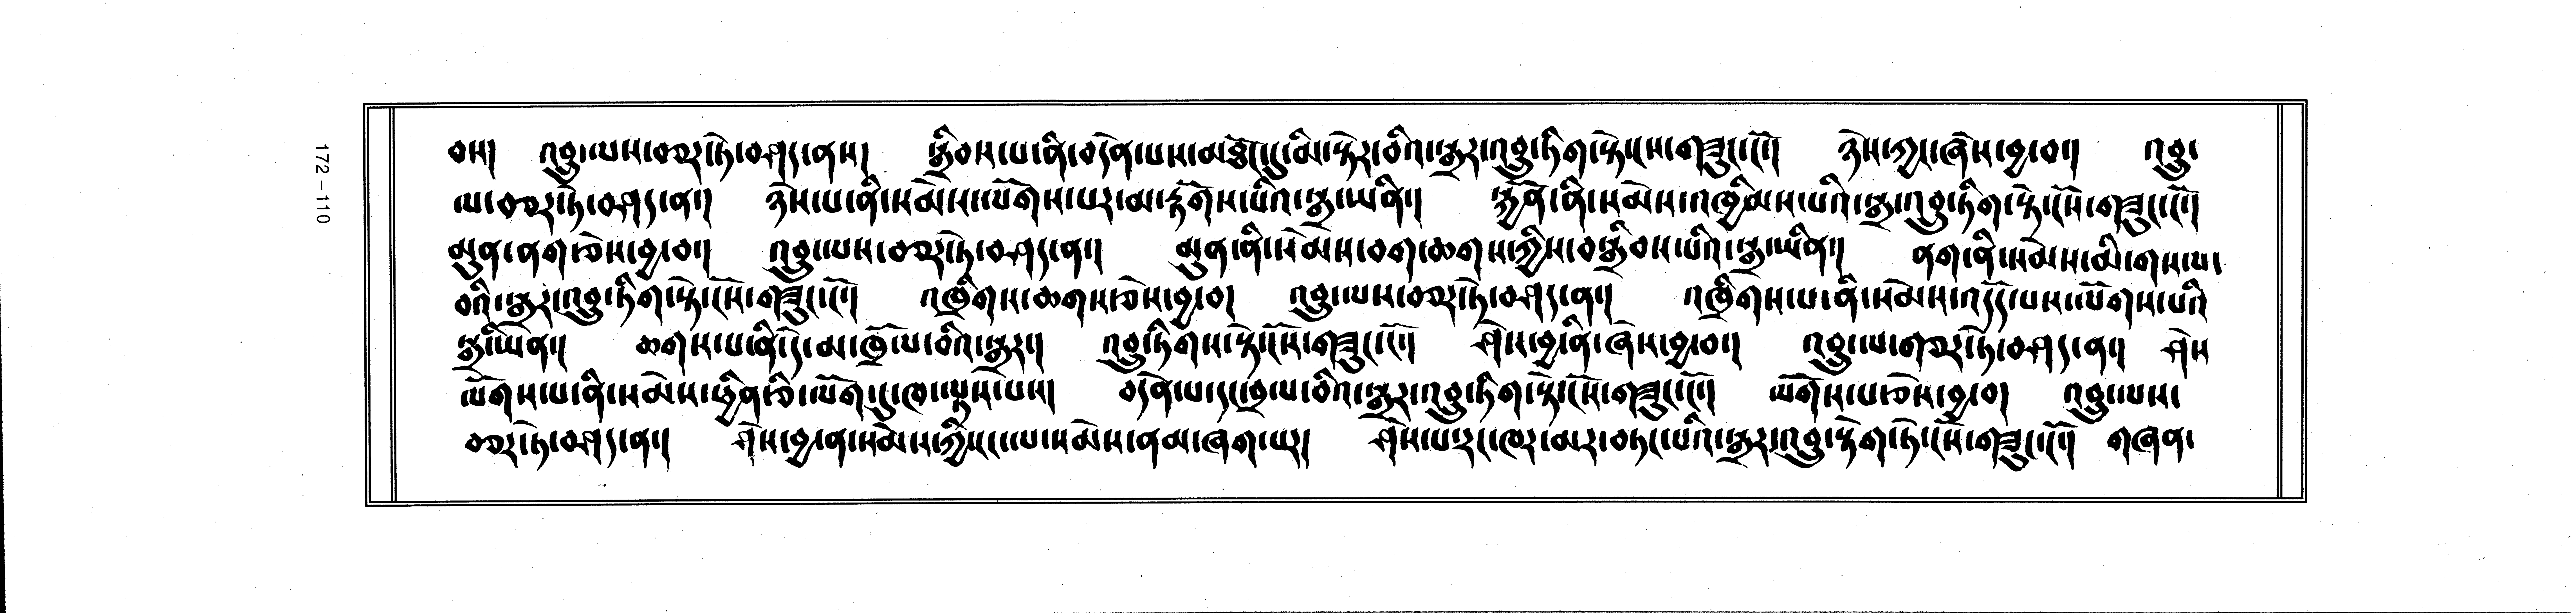བས། འབྲུ་ལས་བཅར་ཏེ་བཤད་ནས། སྒྲིབས་པ་ནི་བདེན་པས་མཐོང་དུ་མི་སྟེར་བའི་སྒྲར་འབྲུ་ཏིག་སྟེ་ངོས་གཟུངས་ངོ་། ཉེས་ཀྱང་ཞེས་བྱ་བ། འབྲུ་
ལ་བཅར་ཏེ་བཤད་ན། ཉེས་པ་ནི་སེམས་ལོག་པར་མ་རྟོགས་པའི་སྒྲ་ཡིན། སྐྱོན་ནི་སེམས་འཁྱིམས་པའི་སྒྲ་འབྲུ་ཏིག་སྟེ་ངོས་གཟུངས་ངོ་། 
མུན་ནག་ཅེས་བྱ་བ། འབྲུ་ལས་བཅར་ཏེ་བཤད་ན། མུན་ནི་སེམས་བག་ཆགས་ཀྱིས་བསྒྲིབས་པའི་སྒྲ་ཡིན། ནག་ནི་སེམས་མི་གསལ་
བའི་སྒྲར་འབྲུ་ཏིག་སྟེ་ངོས་གཟུངས་ངོ་། འཁྲིགས་ཆགས་ཅེས་བྱ་བ། འབྲུ་ལས་བཅར་ཏེ་བཤད་ན། འཁྲིགས་པ་ནི་སེམས་འདོད་པས་ལོགས་པའི་
སྒྲ་ཡིན། ཆགས་པ་ནི་དེ་མ་ཁྲོལ་བའི་སྒྲར། འབྲུ་ཏིག་སྟེ་ངོས་གཟུངས་ངོ་། ཤེས་བྱ་ནི་ཞེས་བྱ་བ། འབྲུ་ལ་གཅར་ཏེ་བཤད་ན། ཤེས་
ལོགས་པ་ནི་སེམས་ཕྱིན་ཅི་ལོག་དུ་ཁ་ལྟས་པས། བདེན་པ་དང་བྲལ་བའི་སྒྲར་འབྲུ་ཏིག་སྟེ་ངོས་གཟུངས་ངོ་། ལོགས་པ་ཅེས་བྱ་བ། འབྲུ་ལས་
བཅར་ཏེ་བཤད་ན། ཤེས་བྱ་ནི་སེམས་ཀྱི་ངང་ལ་སེམས་ནམ་ཞག་པར། ཤེས་པ་རང་ཁར་མར་བཏང་པའི་སྒྲར་འབྲུ་ཏིག་སྟེ་ངོས་གཟུང་ངོ་། གཞན་